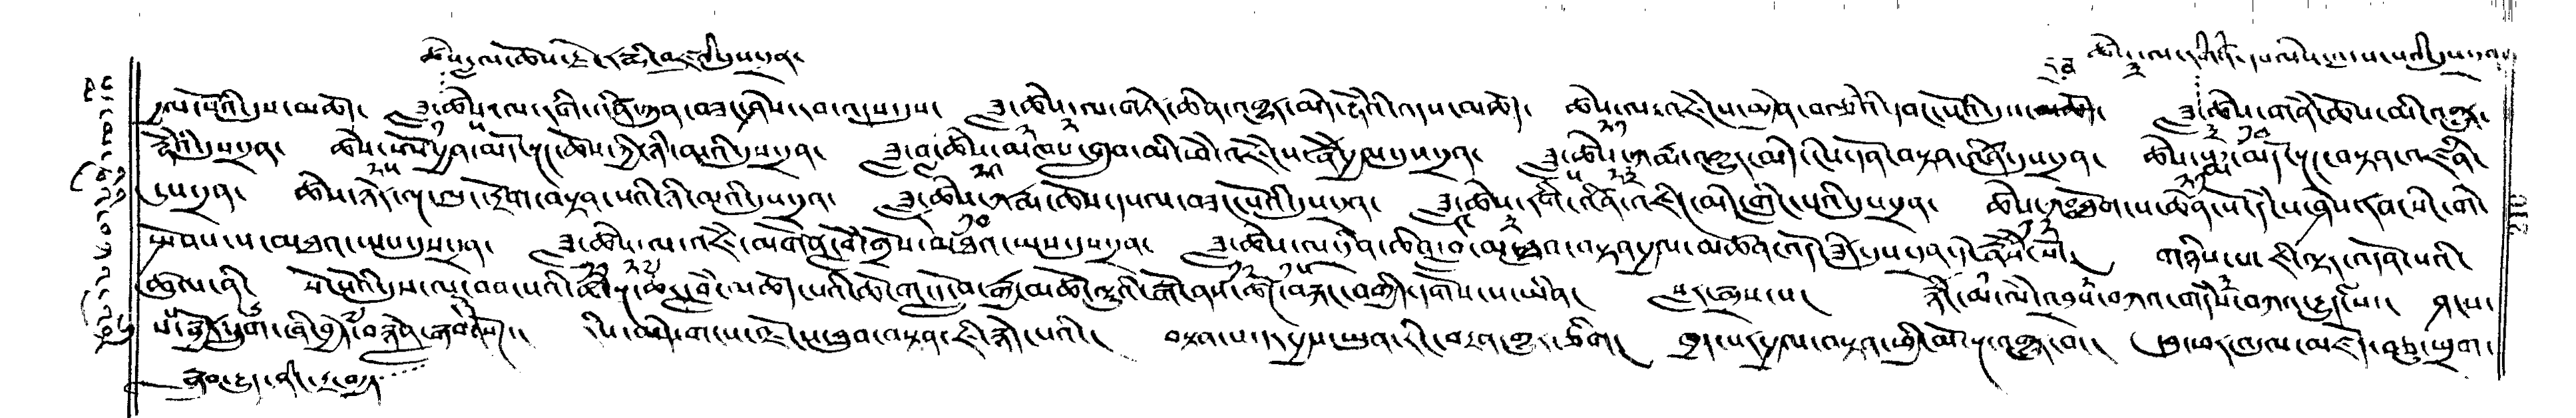རྒྱལ་པོའི་དུས་མཆོད། ཧོར་ཟླ་གཅིག་ཚེས་ལྔ་ལ་རིག་འཛིན་ཀུན་བཟང་ཤེས་རབ་འདས་དུས། ཧོར་ཟླ་གཉིས་ཚེས་གཉིས་ལ་གཏེར་ཆེན་འགྱུར་མེད་རྡོ་རྗེའི་འདས་མཆོད། ཚེས་ཉེར་གཅིག་ལ་འཇམ་དབྱངས་མཁྱེན་བརྩེའི་དབང་པོའི་དུས་དྲན། ཚེས་བཅུ་གནམ་ཆོས་མི་འགྱུར་
རྡོ་རྗེའི་དུས་དྲན། ཚེས་ཉེར་ལྔ་ཨོ་རྒྱན་མདོ་སྔགས་ཆོས་ཀྱི་ཉི་མའི་དུས་དྲན། ཟླ་བ་བཞི་ཚེས་ཉེར་བཞི་མཁས་གྲུབ་མི་ཕམ་འཇམ་དབྱངས་རྣམ་རྒྱལ་དུས་དྲན། ཟླ་ལྔ་ཚེས་ཉེར་གསུམ་ཀརྨ་འགྱུར་མེད་ངེས་དོན་བསྟན་འཛིན་དུས་དྲན། ཚེས་ཉེར་གཅིག་པདྨ་མདོ་སྔགས་བསྟན་འཛིན་
དུས་དྲན། ཚེས་ཉེར་ལྔ་ལུང་རྟོགས་བསྟན་པའི་ཉི་མའི་དུས་དྲན། ཟླ་བ་བརྒྱད་པའི་ཚེས་བཅུ་ཀརྨ་ཆོས་དཔལ་བཟང་པོའི་དུས་དྲན། ཟླ་བ་བཞི་པའི་ཚེས་བཞི་རིག་འཛིན་འཇིགས་མེད་གླིང་པའི་དུས་དྲན། ཟླ་བ་དང་པོའི་ཚེས་གཉིས་ཀ་ཐོག་ཆེན་པོ་རེངས་ཤེས་རབ་སེང་གེ་
སྤོབས་པ་མཐའ་ཡས་དུས་དྲན། ཟླ་བཅུ་གཅིག་ཚེས་ཉེར་བདུན་ལ་འཇམ་མགོན་བློ་གྲོས་མཐའ་ཡས་དུས་དྲན། ཟླ་བཅུ་གཉིས་ཚེས་བཅོ་ལྔ་ལ་དྲིན་ཆེན་བླ་མ་ཐུབ་བསྟན་རྒྱལ་མཚན་འོད་ཟེར་དུས་དྲན་དེ་རྣམས་སོ། གཉིས་པ་ཇི་ལྟར་འདོན་པའི་
ཚུལ་ནི། སོ་སོའི་དུས་ལ་བབ་པའི་ཚེ་སྔ་ཆར་བླ་མ་མཆོད་པའི་ཆོ་ག་དངོས་གྲུབ་རྒྱ་མཚོ་ལྟ་བུའི་སྒོ་ནས་ཚོགས་སྐོང་བགྱིད་དགོས་པ་ཡིན་ནོ།།སླར་སྨྲས་པ། རྙིང་མ་བཀའ་གདམས་ལམ་འབྲས་བཀའ་རྒྱུད་པ། །ཤངས་
པ་སྦྱོར་དྲུག་ཞི་བྱེད་སྙེན་སྒྲུབ་སོགས། །རིས་མེད་གངས་ལྗོངས་ཐུབ་བསྟན་ཇི་སྙེད་པའི། །བསྟན་པ་དར་རྒྱས་ཡུན་རིང་བརྟན་གྱུར་ཅིག ཁྱད་པར་རྒྱལ་བསྟན་ཕྱི་མོ་སྔ་འགྱུར་བ། །དབུ་ཕར་འདུལ་མཛོད་བཅུ་ཕྲག་